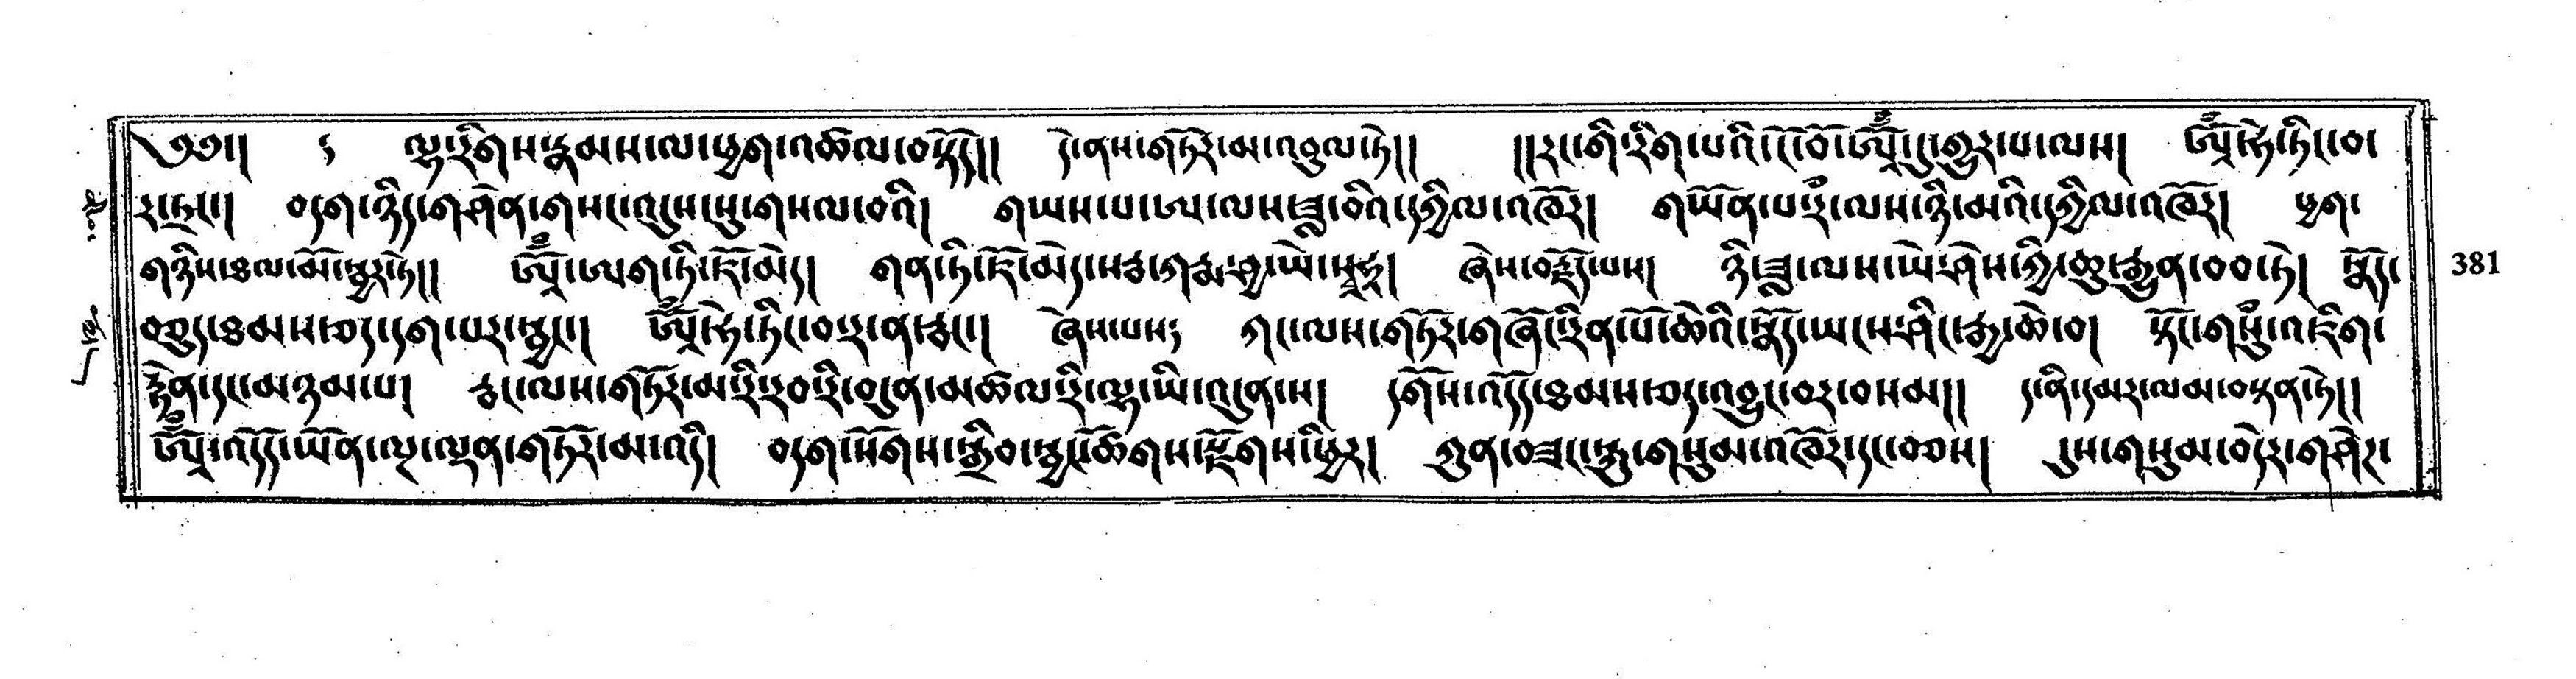ལྷ་རིགས་རྣམས་ལ་ཕྱག་འཚལ་བསྟོད།། དེ་ནས་གཏོར་མ་འབུལ་ཏེ།། །།རང་གི་རིག་པའི་ངོ་བོ་ཨཱོཾ་དུ་གྱུར་པ་ལས། ཨཱོཾ་ཧེ་ཏིང་བ་
ཏ་ཏྲང་། བདག་ཉིད་གཤེན་གསང་འདུས་སུ་གསལ་བའི། གཡས་པ་ཨ་ལས་ཟླ་བའི་དཀྱིལ་འཁོར། གཡོན་པ་རཾ་ལས་ཉི་མའི་དཀྱིལ་འཁོར། ཕྱག་
གཉིས་ཐལ་མོ་སྦྱར་ཏེ།། ཨཱོཾ་ཨག་ཏི་ཇོ་མེད། གན་ཏི་ཇོ་མེད་སརྦ་ཀརྨ་ཤྱ་ཡེ་སྭཱཧཱ། ཞེས་བརྗོད་པས། ཉི་ཟླ་ལས་ཡེ་ཤེས་ཀྱི་ཆུ་རྒྱུན་བབ་ཏེ། སྣོད་
བཅུད་ཐམས་ཅད་དག་པར་སྦྱང་། ཨཱོཾ་ཧེ་ཏིང་བ་ར་ན་རྦང་། ཞེས་པས ཀང་ལས་གཏོར་གཞོང་རིན་པོ་ཆེའི་སྣོད་ཡངས་ཤིང་རྒྱ་ཆེ་བ། སྟོང་གསུམ་འཇིག་
རྟེན་དང་མཉམ་པ། རྦང་ལས་གཏོར་མ་རི་རབ་རི་བདུན་མཚལ་རི་ལྷ་ཡི་འདུན་ས། དགོས་འདོད་ཐམས་ཅད་འབྱུང་བར་བསམ།། ད་ནི་དམར་ལམ་བསྟན་ཏེ།། 
ཨཱོཾ་འདོད་ཡོན་ལྔ་ལྡན་གཏོར་མ་འདི། བདག་སོགས་སྒྲིབ་སྦྱང་ཚོགས་རྫོགས་ཕྱིར། ཀུན་བཟང་སྐུ་གསུམ་འཁོར་དང་བཅས། དུས་གསུམ་བདེར་གཤེགས་